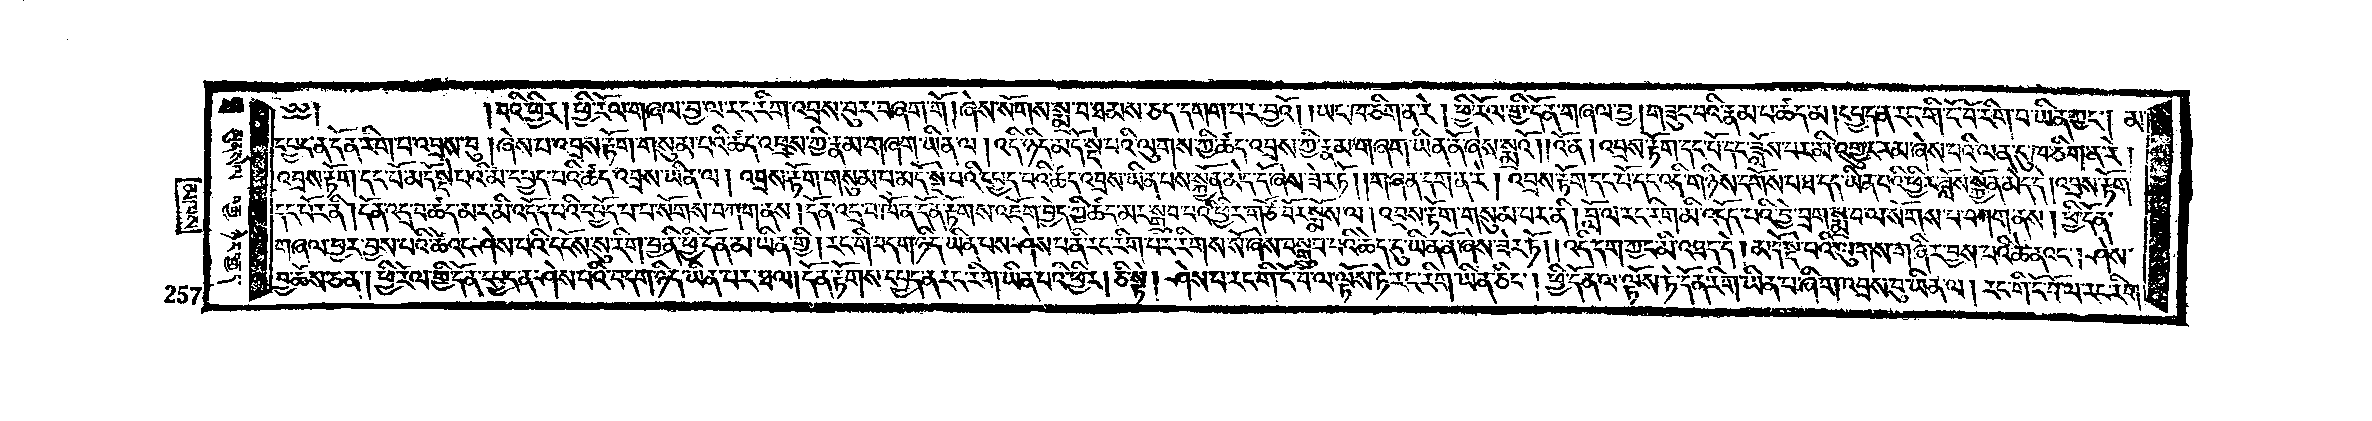༄༅། །བའི་ཕྱིར། ཕྱི་རོལ་གཞལ་བྱ་ལ་རང་རིག་འབྲས་བུར་བཞག་གོ །ཞེས་སོགས་སྨྲ་བ་ཐམས་ཅད་དགག་པར་བྱའོ། །ཡང་ཁ་ཅིག་ན་རེ། ཕྱི་རོལ་གྱི་དོན་གཞལ་བྱ། གཟུང་བའི་རྣམ་པ་ཚད་མ། དཔྱད་ན་རང་གི་ངོ་བོ་རིག་པ་ཡིན་ཀྱང་། མ་
དཔྱད་ན་དོན་རིག་པ་འབྲས་བུ། ཞེས་པ་འབྲས་རྟོག་གསུམ་པའི་ཚད་འབྲས་ཀྱི་རྣམ་གཞག་ཡིན་ལ། འདི་ཉིད་མདོ་སྡེ་པའི་ལུགས་ཀྱི་ཚད་འབྲས་ཀྱི་རྣམ་གཞག་ཡིན་ནོ་ཞེས་སྨྲའོ། །འོ་ན། འབྲས་རྟོག་དང་པོ་དང་ཟློས་པར་མི་འགྱུར་རམ་ཞེས་པའི་ལན་དུ་ཁ་ཅིག་ན་རེ།
འབྲས་རྟོག་དང་པོ་མདོ་སྡེ་པའི་མ་དཔྱད་པའི་ཚད་འབྲས་ཡིན་ལ། འབྲས་རྟོག་གསུམ་པ་མདོ་སྡེ་པའི་དཔྱད་པའི་ཚད་འབྲས་ཡིན་པས་སྐྱོན་མེད་དོ་ཞེས་ཟེར་ཏོ། །གཞན་དག་ན་རེ། འབྲས་རྟོག་དང་པོ་དང་འདི་གཉིས་དགོས་པ་ཐ་དད་ཡིན་པའི་ཕྱིར་ཟློས་སྐྱོན་མེད་དེ། འབྲས་རྟོག་
དང་པོར་ནི། དོན་འདྲ་བ་ཚད་མར་མི་འདོད་པའི་དཔྱོད་པ་བ་སོགས་བཀག་ནས། དོན་འདྲ་བ་ཁོ་ན་དོན་རྟོགས་འཇོག་བྱེད་ཀྱི་ཚད་མར་སྒྲུབ་པའི་ཕྱིར་གཙོ་བོར་སྨོས་ལ། འབྲས་རྟོག་གསུམ་པར་ནི། བློ་ལ་རང་རིག་མི་འདོད་པའི་བྱེ་བྲག་སྨྲ་བ་ལ་སོགས་པ་བཀག་ནས། ཕྱི་དོན་
གཞལ་བྱར་བྱས་པའི་ཚེའང་ཤེས་པའི་དངོས་སུ་རིག་བྱ་ནི་ཕྱི་དོན་མ་ཡིན་གྱི། རང་གི་བདག་ཉིད་ཡིན་པས་ཤེས་པ་ནི་རང་རིག་པར་རིགས་སོ་ཞེས་བསྒྲུབ་པའི་ཆེད་དུ་ཡིན་ནོ་ཞེས་ཟེར་ཏོ། །འདི་དག་ཀྱང་མི་འཐད་དེ། མདོ་སྡེ་པའི་ལུགས་གཞིར་བྱས་པའི་ཚེ་ནའང་། ཤེས་
བྱ་ཆོས་ཅན། ཕྱི་རོལ་གྱི་དོན་དཔྱད་ན་ཤེས་པའི་བདག་ཉིད་ཡིན་པར་ཐལ། དོན་རྟོགས་དཔྱད་ན་རང་རིག་ཡིན་པའི་ཕྱིར། ཅི་སྟེ། ཤེས་པ་རང་གི་ངོ་བོ་ལ་ལྟོས་ཏེ་རང་རིག་ཡིན་ཅིང་། ཕྱི་དོན་ལ་ལྟོས་ཏེ་དོན་རིག་ཡིན་པ་ཞིག་འབྲས་བུ་ཡིན་ལ། རང་གི་ངོ་བོ་ལ་རང་རིག་